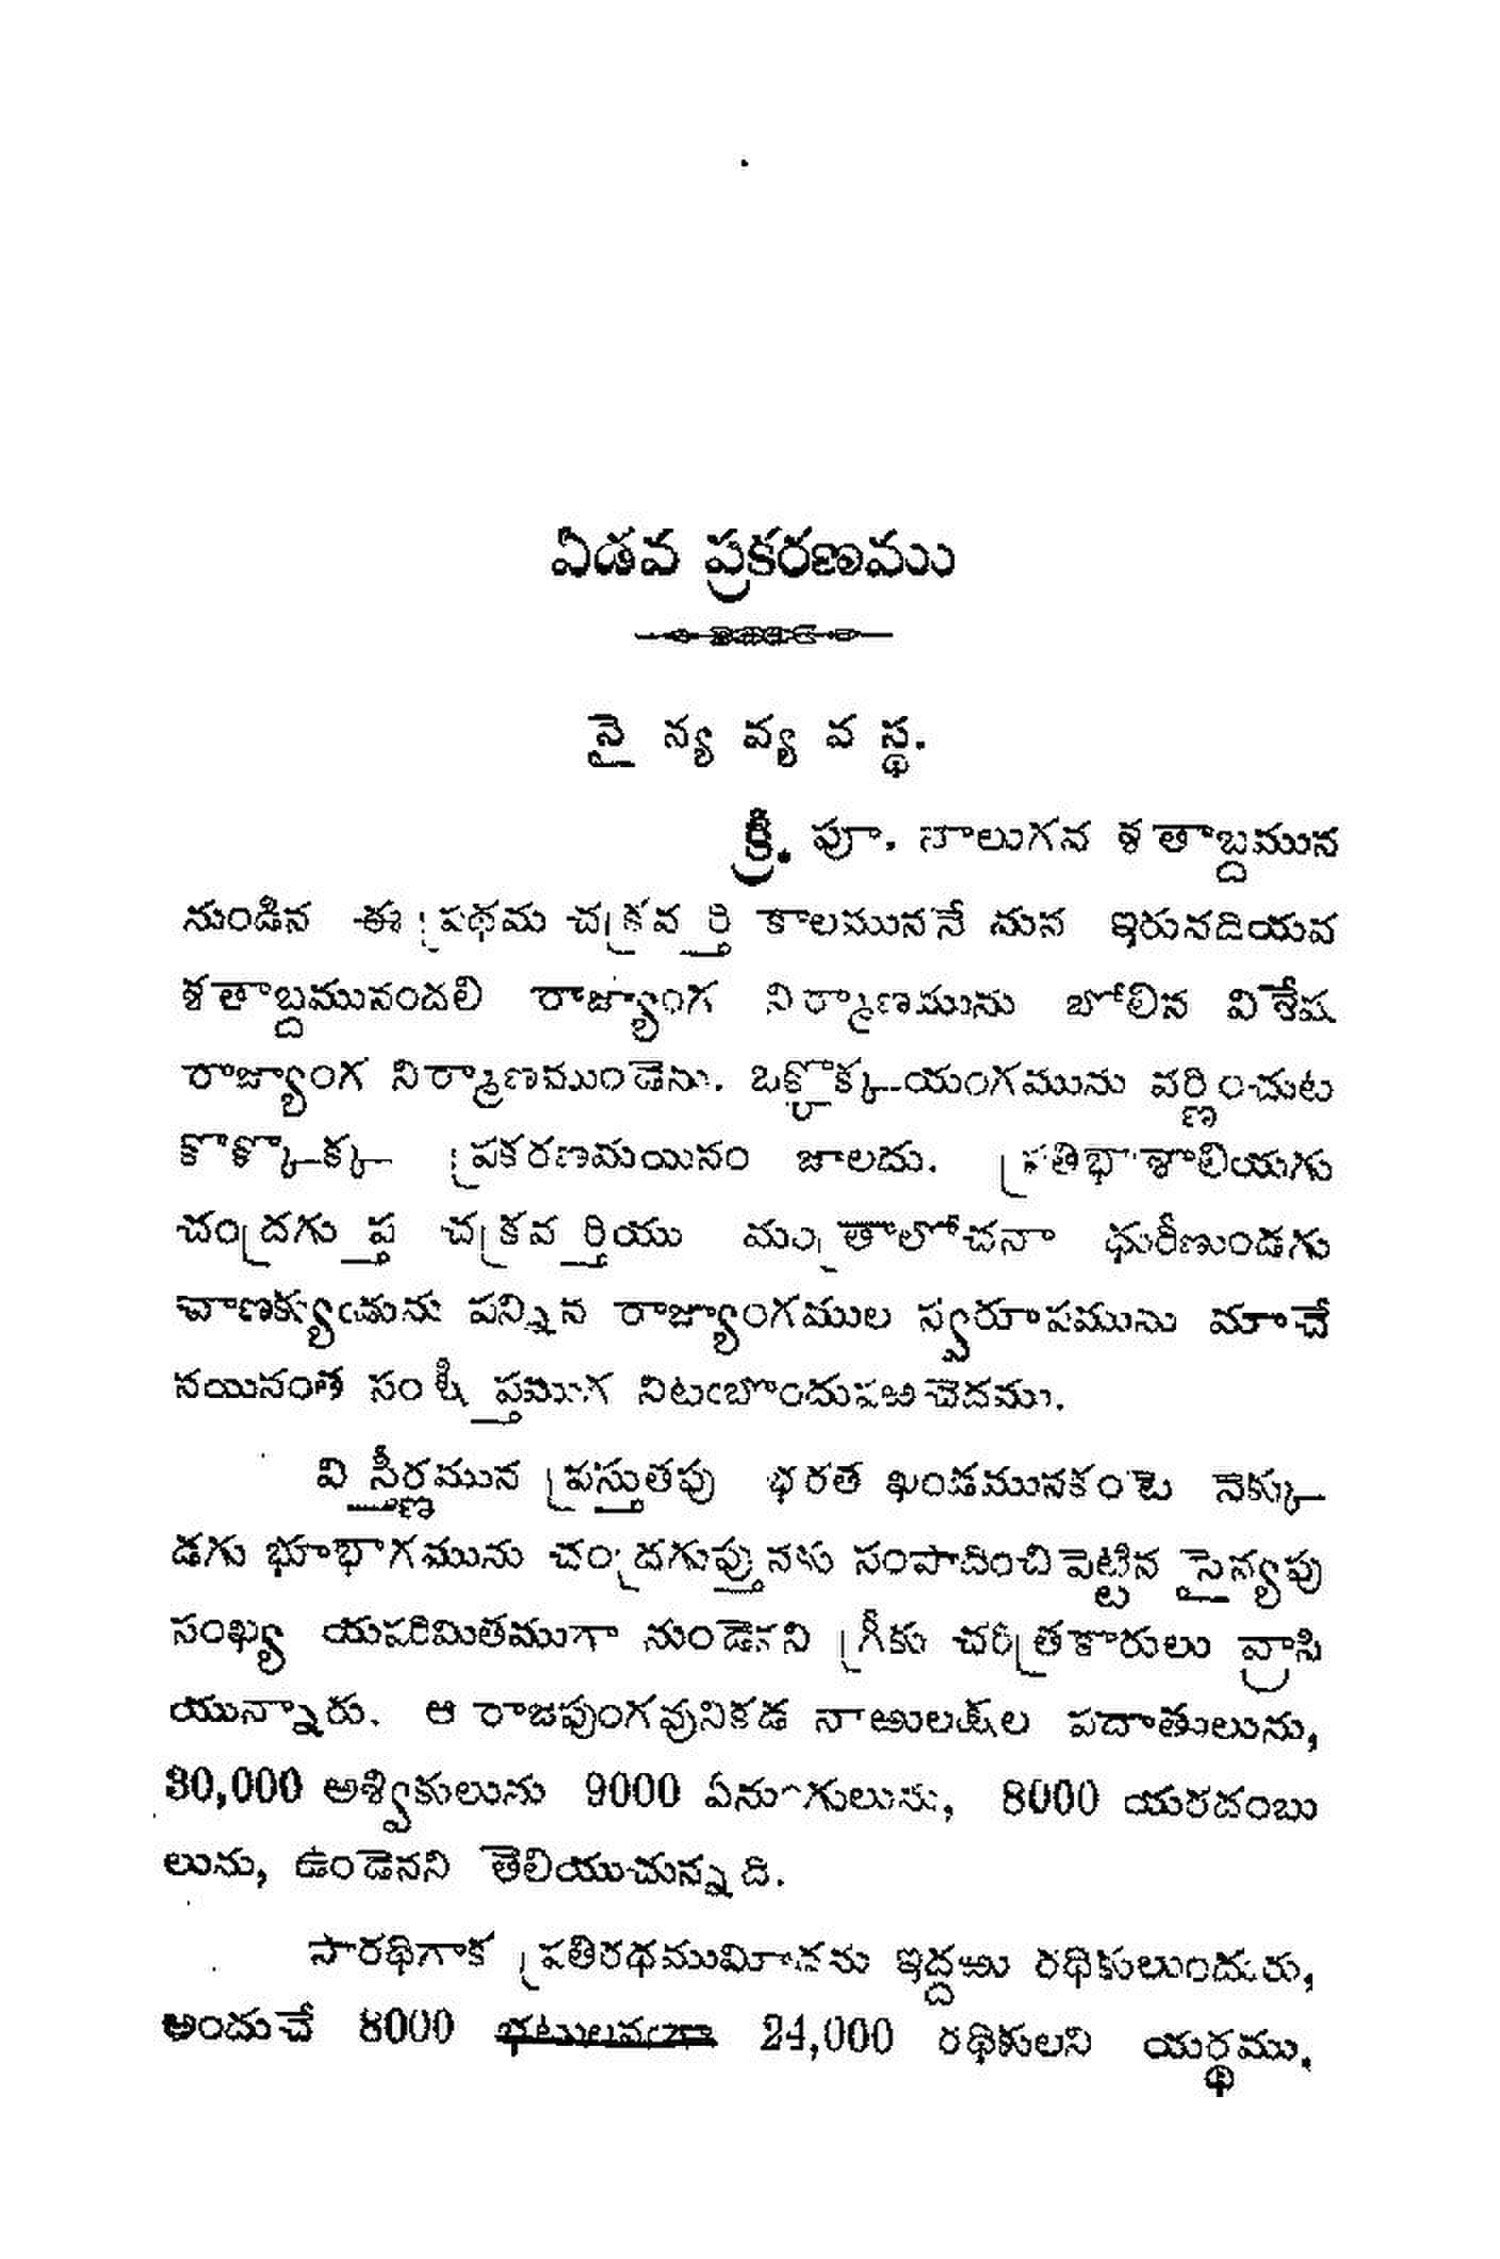ఏడవ ప్రకరణము

సైన్య వ్యవస్థ.

క్రీ. పూ. నాలుగవ శతాబ్దమున నుండిన ఈ ప్రథమ చక్రవర్తి కాలముననే మన ఇరువదియవ శతాబ్దమునందలి రాజ్యాంగ నిర్మాణమును బోలిన విశేష రాజ్యాంగ నిర్మాణముండెను. ఒక్కొక్క.యంగమును వర్ణించుట కొక్కొక్క ప్రకరణమయినం జాలదు. ప్రతిభాశాలియగు చంద్రగుప్త చక్రవర్తియు మంత్రాలోచనా ధురీణుండగు చాణక్యుఁడును పన్నిన రాజ్యాంగముల స్వరూపముసు మాచే నయినంత సంక్షిప్తముగ నిటఁబొందుపఱచెదము.

విస్తీర్ణమున ప్రస్తుతపు భరత ఖండమునకంటే నెక్కుడగు భూభాగమును చంద్రగుప్తునకు సంపాదించి పెట్టిన సైన్యపు సంఖ్య యపరిమితముగా నుండెనని గ్రీకు చరిత్రకారులు వ్రాసి యున్నారు, ఆ రాజపుంగవునికడ నాఱులక్షల పదాతులును, 30,000 అశ్వికులును 9000 ఏనుఁగులును, 8000 యరదంబులును, ఉండెనని తెలియుచున్నది. 

సారథిగాక ప్రతిరథముమీదను ఇద్దఱు రథికులుందురు, అందుచే 8000 భటులనఁగా 24,000 రథికులని యర్థము,